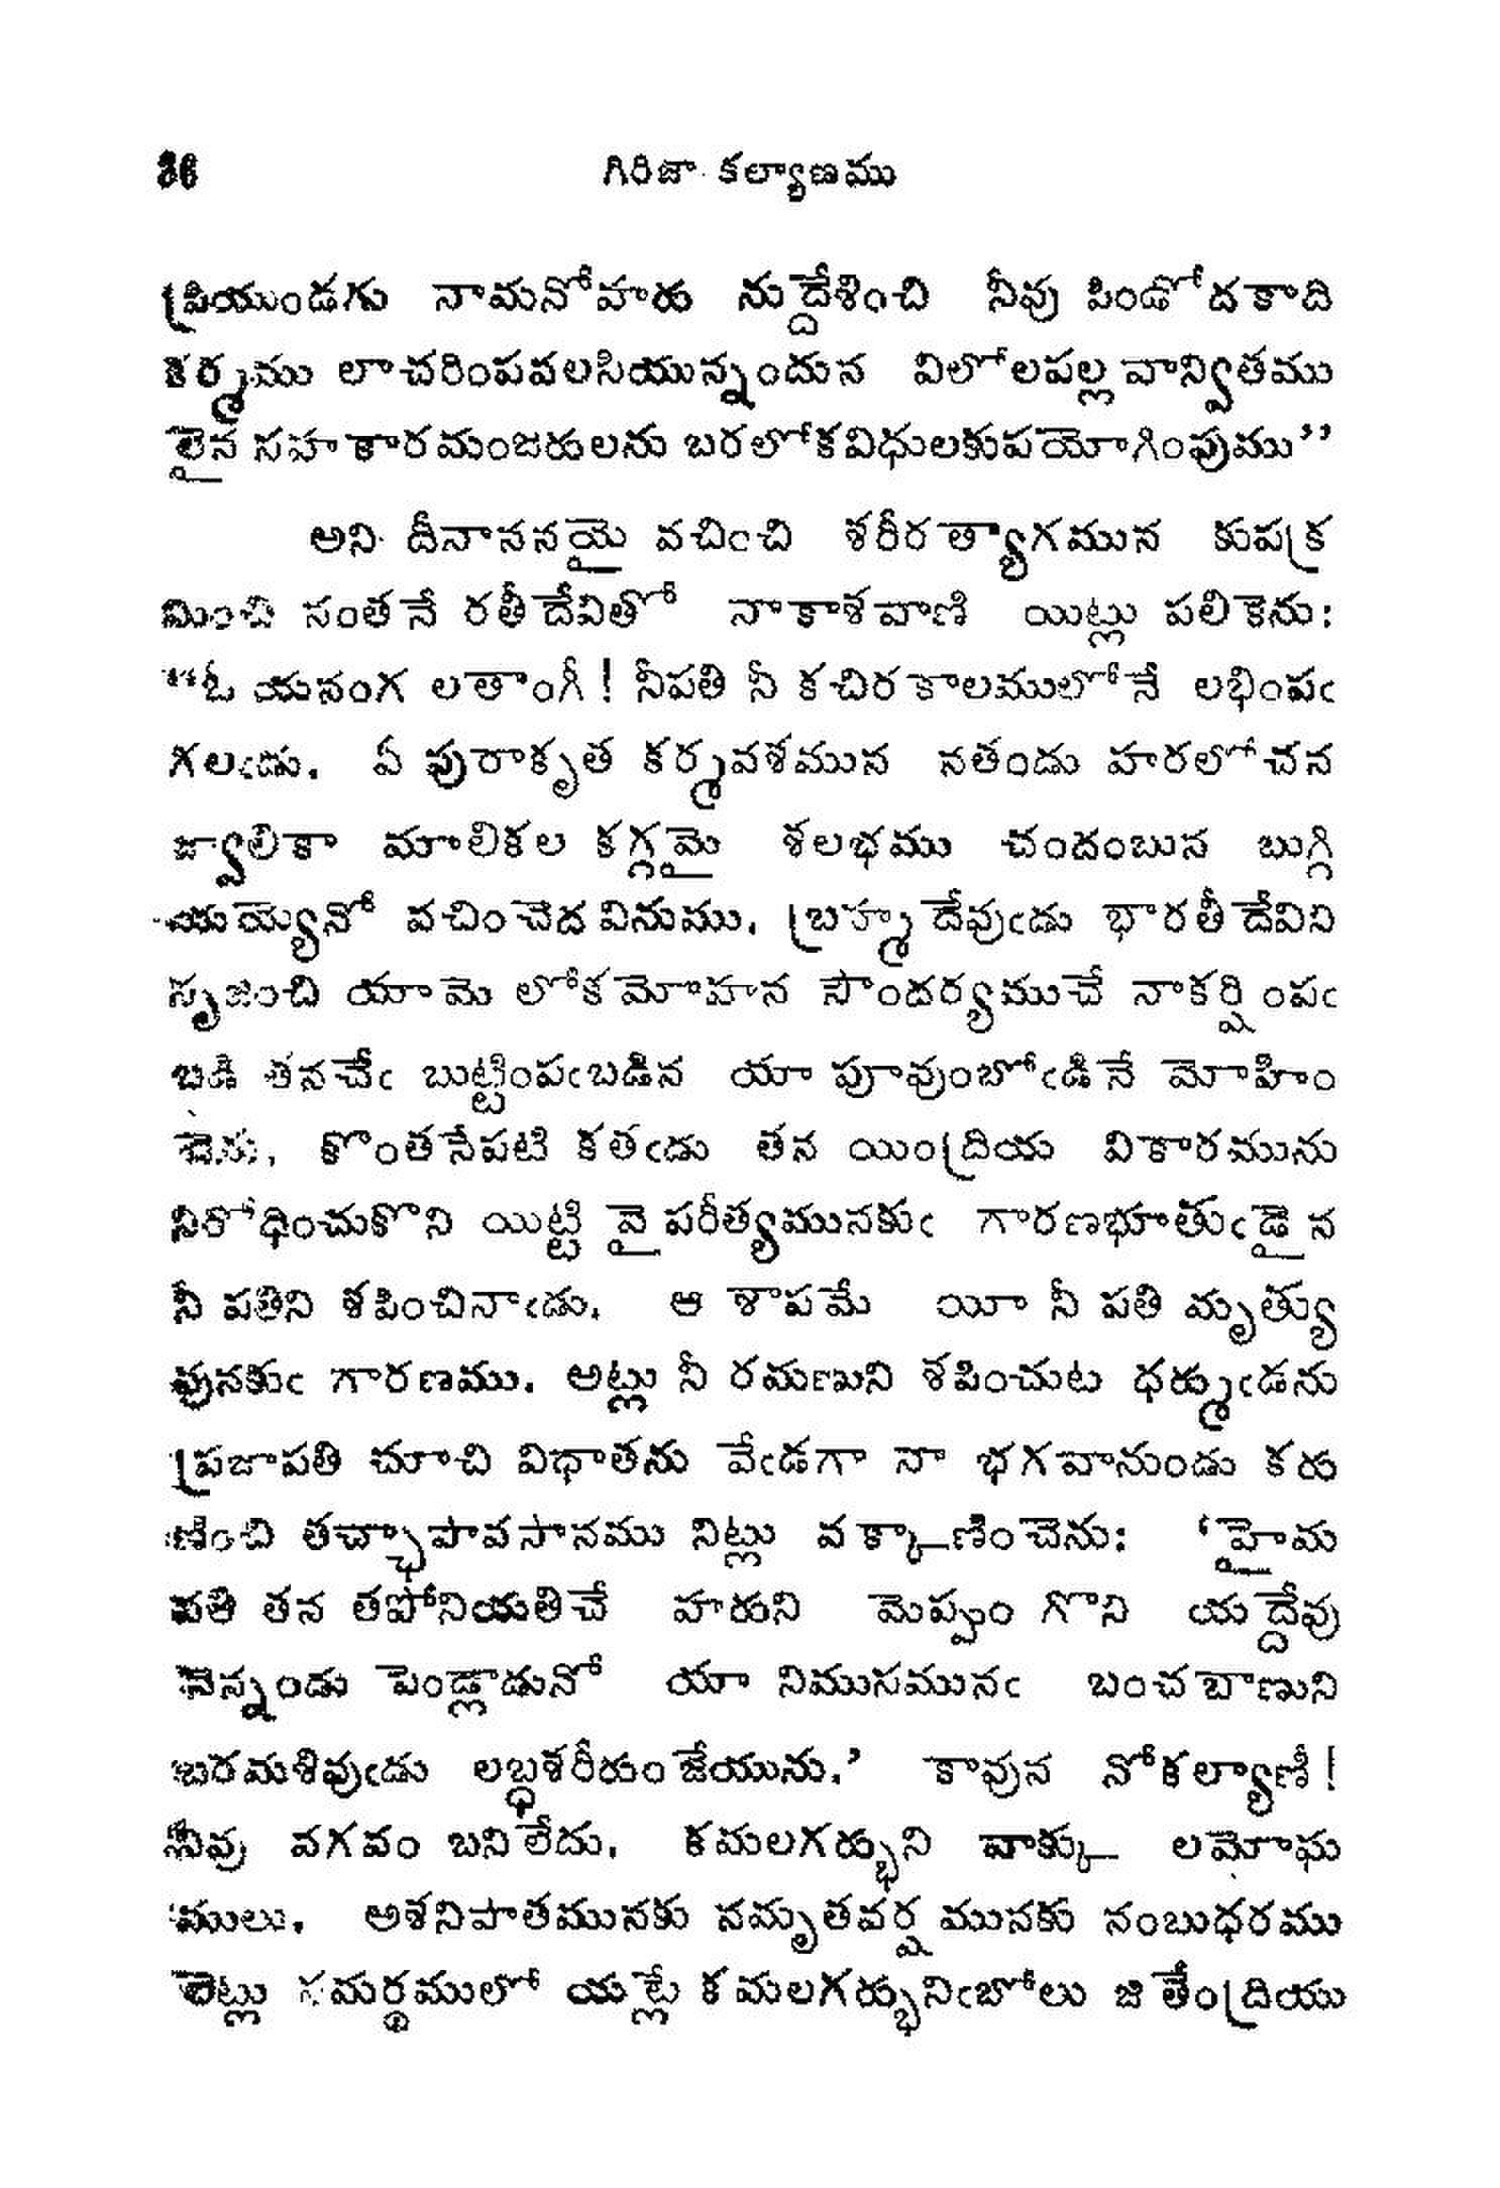ప్రియుండగు నామనోహరు నుద్దేశించి నీవు పిండోద కాది కర్మము లాచరింపవలసియున్నందున విలోలపల్ల వాన్వితము
లైన సహకార మంజరులను బరలోక విధులకుపయోగింపుము "

అని దీనాననయై వచించి శరీరత్యాగమున కుపక్రమించి సంతనే రతీ దేవితో నా కాశవాణి యిట్లు పలికెను: "ఓ యనంగ లతాంగీ ! నీపతి నీ కచిరకాలములోనే లభింపఁగలఁడు. ఏ పురాకృత కర్మవశమున నతండు హరలోచన జ్వాలికా మాలికల కగ్గమై శలభము చందంబున బుగ్గి యయ్యెనో వచించెద వినుము, బ్రహ్మ దేవుఁడు భారతీ దేవిని సృజించి యామె లోక మోహన సౌందర్యముచే నాకర్షింపఁబడి తనచేఁ బుట్టింపఁబడిన యా పూవుంబోఁడినే మోహించెను, కొంతసేపటి కతఁడు తన యింద్రియ వికారమును నిరోధించుకొని యిట్టి వైపరీత్యమునకుఁ గారణభూతుఁడైన నీ పతిని శపించినాఁడు, ఆ శాపమే యీ నీ పతి మృత్యువునకుఁ గారణము. అట్లు నీ రమణుని శపించుట ధర్ముఁడను ప్రజాపతి చూచి విధాతను వేఁడగా నా భగవానుండు కరుణించి తచ్ఛాపావసానము నిట్లు వక్కాణించెను : 'హైమవతి తన తపోనియతిచే హరుని మెప్పుం గొని యద్దేవు నెన్నండు పెండ్లాడునో యా నిముసమునఁ బంచబాణుని బరమశివుఁడు లబ్ధశరీరుం జేయును.' కావున నోకల్యాణీ !
నీవు వగవం బనిలేదు. కమలగర్భుని వాక్కు లమోఘములు, అశనిపాతమునకు నమృతవర్షమునకు నంబుధరము లెట్లు సమర్థములో యట్లే కమలగర్భునిఁబోలు జితేంద్రియు